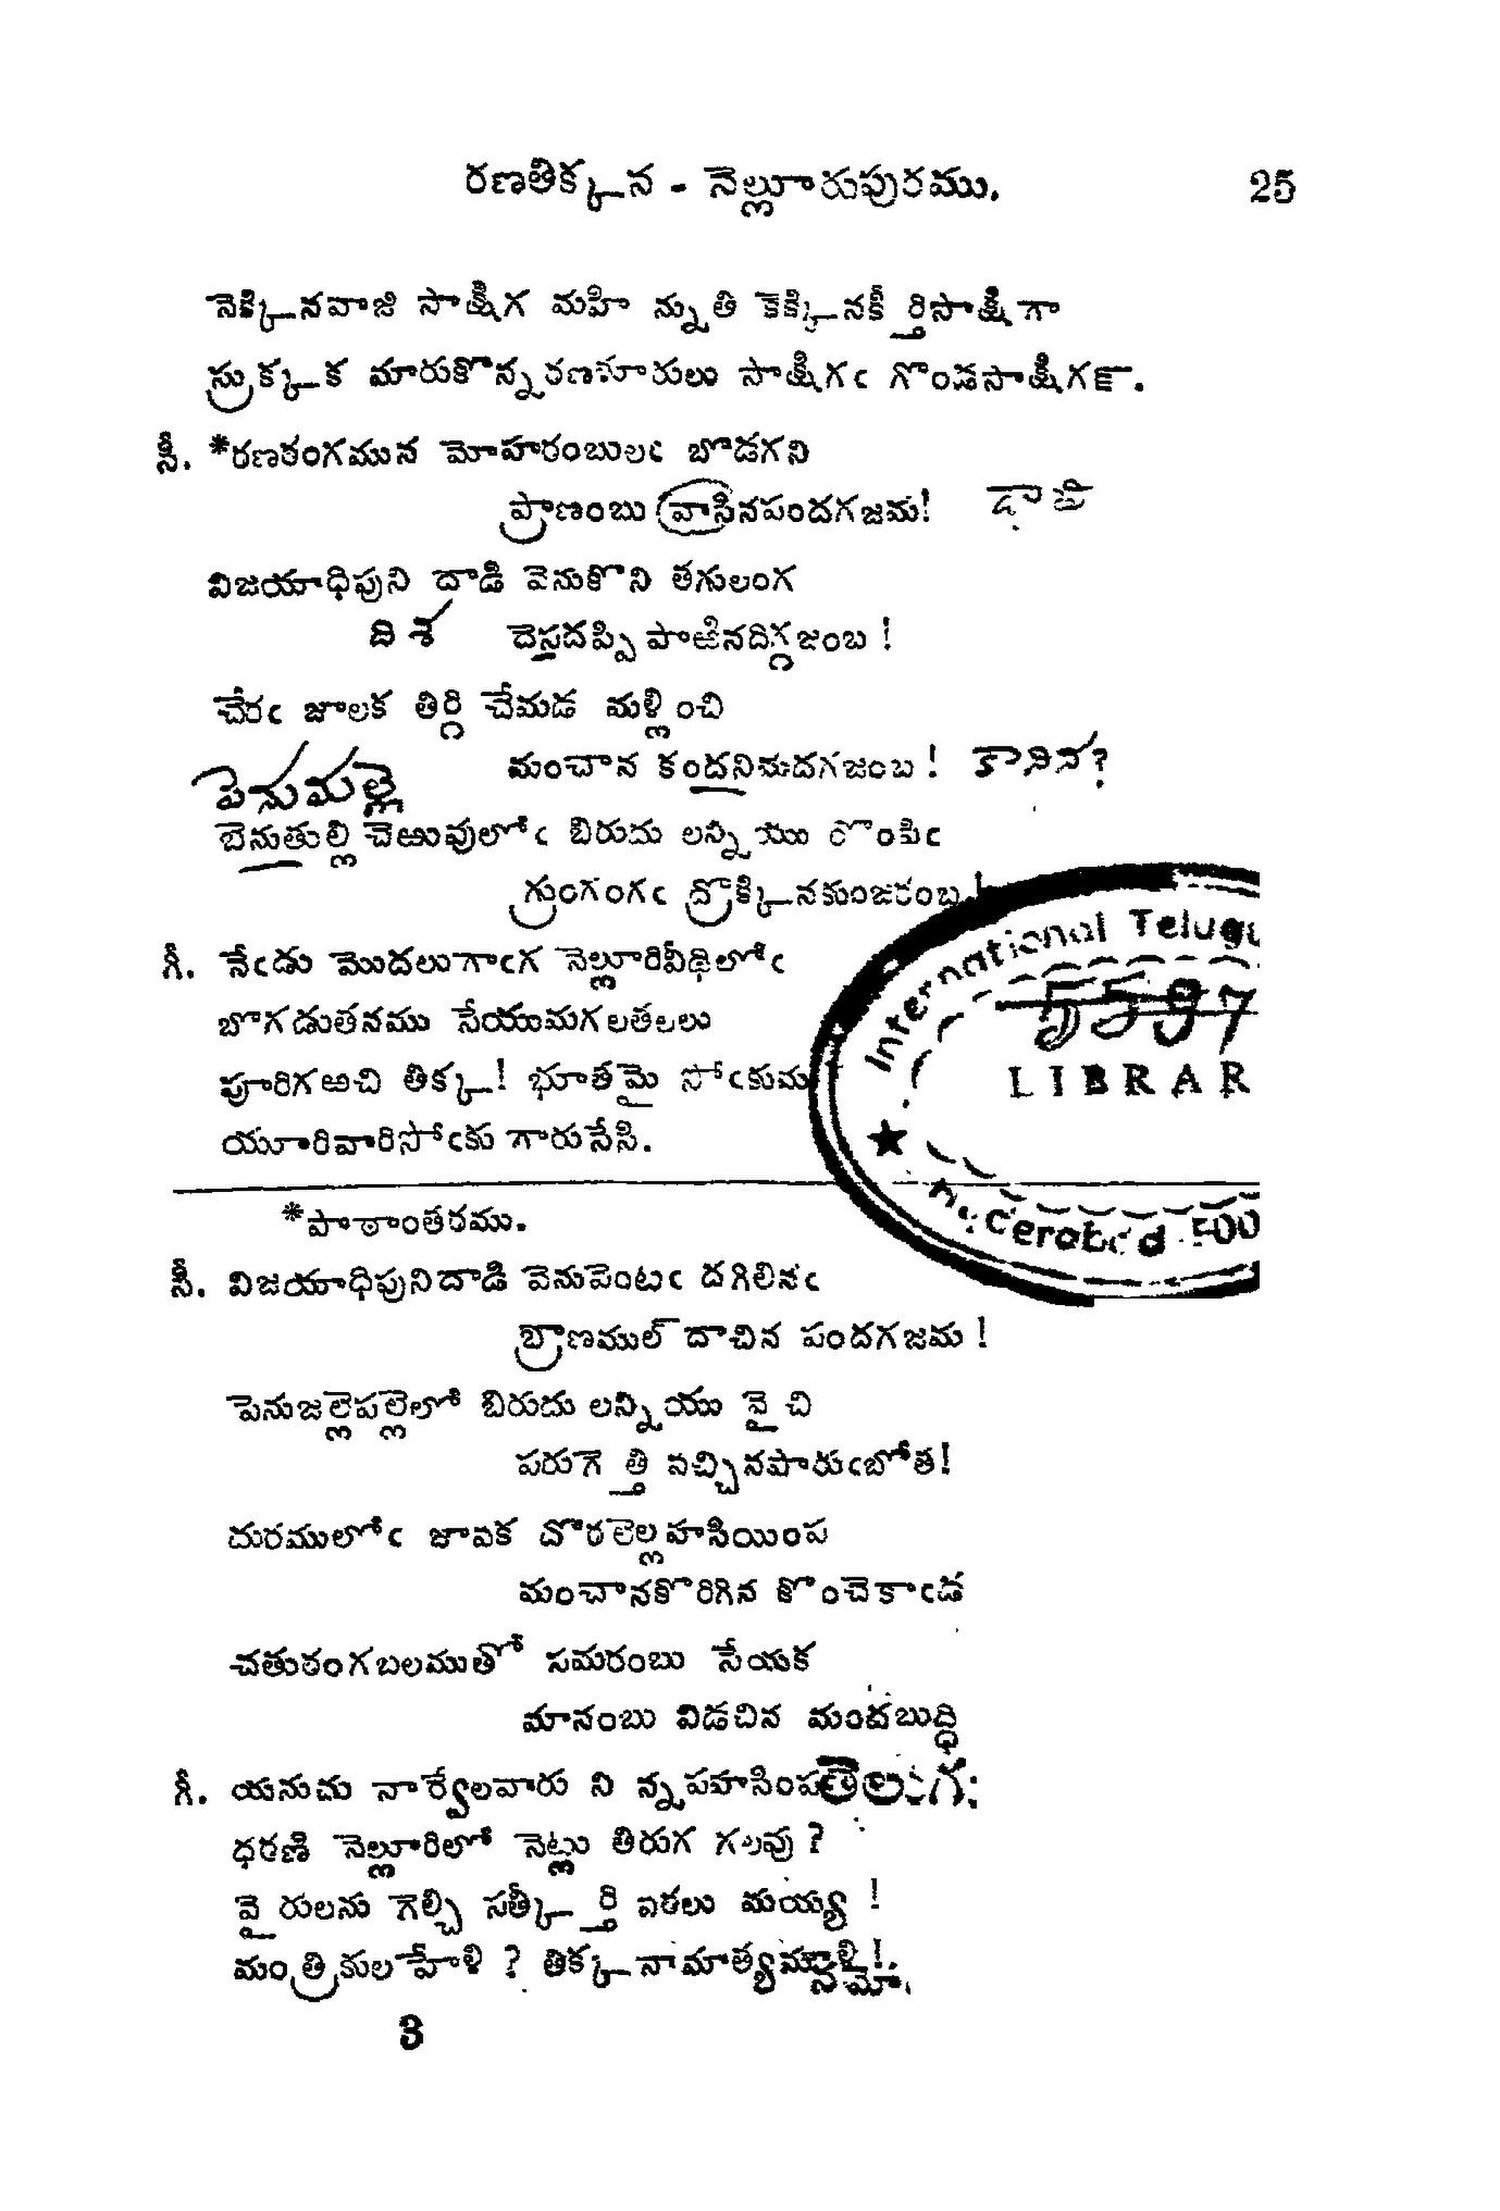నెక్కినవాజి సాక్షిగ మహి న్నుతి కెక్కినకీర్తిసాక్షిగా
 స్రుక్కక మారుకొన్నరణశూరులు సాక్షిగఁ గొండసాక్షిగన్.
సీ. రణరంగమున మోహరంబులఁ బొడగని
 ప్రాణంబు వాసినపందగజమ!
 విజయాధిపుని దాడి వెనుకొని తగులంగ
 దెసదప్పి పాఱినదిగ్గజంబ!
 చేరఁజాలక తిర్గి చేమడ మళ్ళించి
 మంచాన కందనీమదగజంబ!
 బెనుతుల్లిచెఱువులోఁ బిరుదు లన్నియు రొంపిఁ
 గ్రుంగంగఁ దొక్కనకుంజరంబ!
గీ. నేఁడు మొదలుగాఁగ నెల్లూరివీథిలోఁ
 బొగడుతనము సేయుమగలతలలు
 పూరిగఱచి తిక్క! భూతమై సోఁకుము
 యూరివారిసోఁకు గారుసేసి.